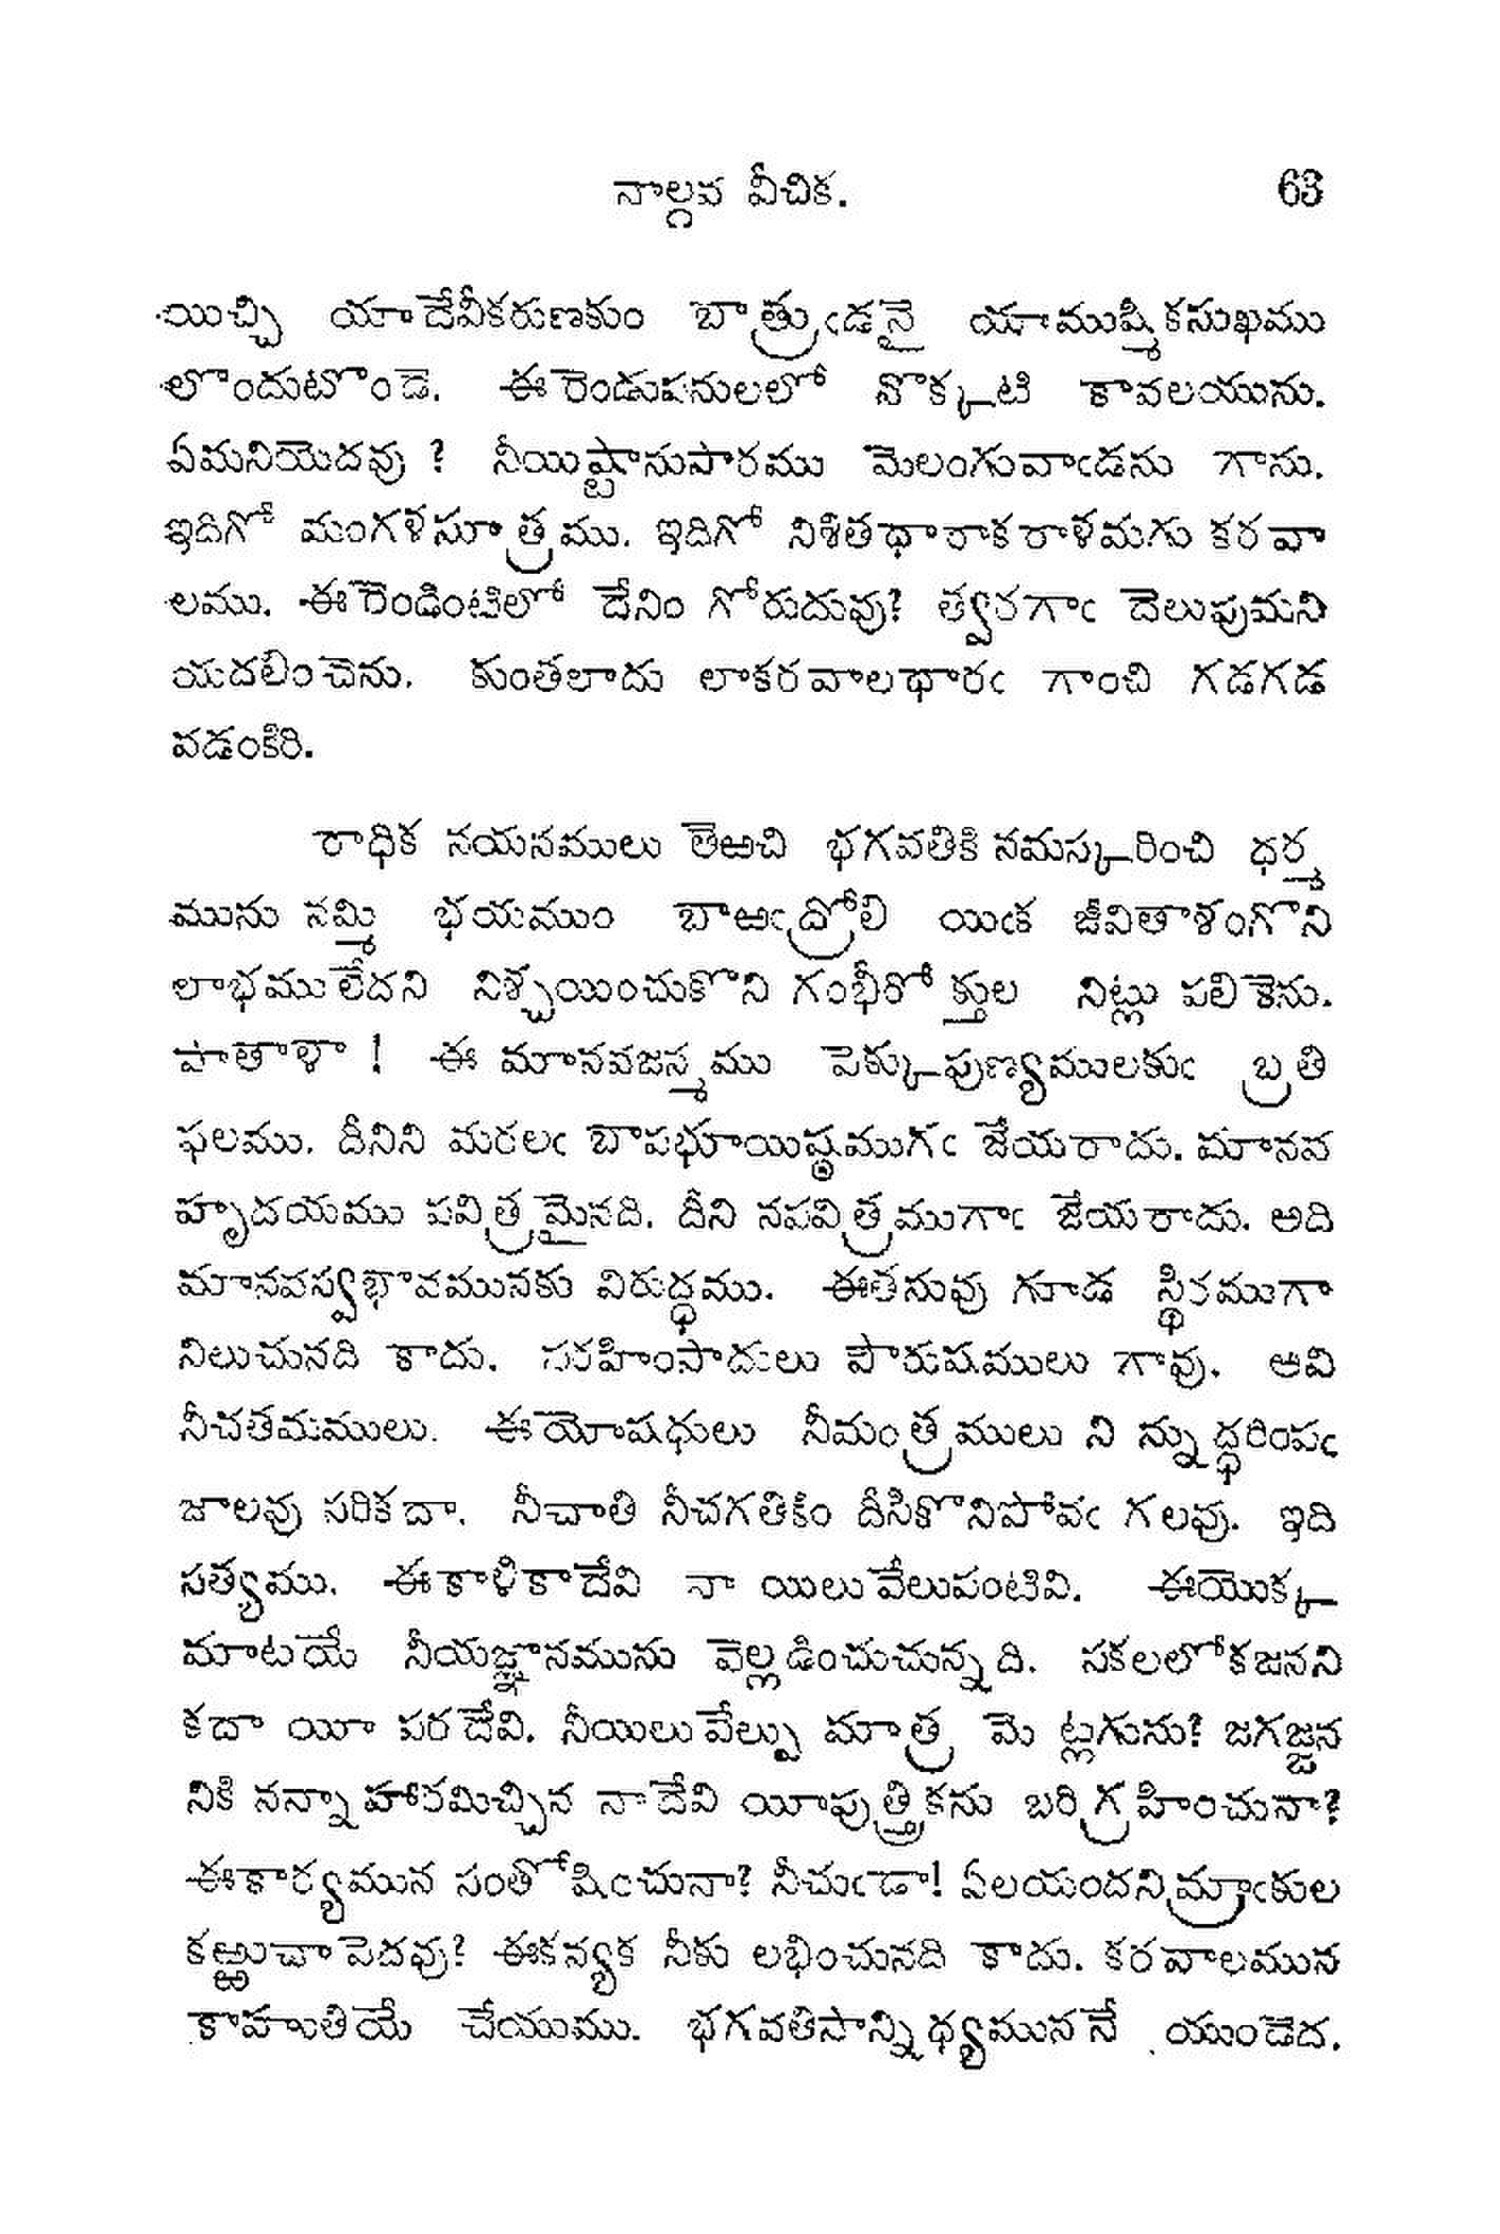యిచ్చి యాదేవీకరుణకుం బాత్రుడనై యాముష్మి కసుఖము లొందుటొండె. ఈ రెండు పనులలో నొక్కటి కావలయును. ఏమనియెదవు ! నీయిష్టానుసారము 'మెలంగువాఁడను గాను, ఇదిగో మంగళసూత్రము. ఇదిగో నిశిత ధారాకరాళమగు కరవాలము. ఈ రెండింటిలో దేనిం గోరుదువు? త్వరగాఁ దెలుపుమని యదలించెను. కుంతలాదు లాకరవాల ధారం గాంచి గడగడ వడంకిరి.

రాధిక నయనములు తెఱచి భగవతికి నమస్కరించి ధర్మమును నమ్మి భయముం బాఱఁద్రోలి యిఁక జీవితాశంగొని లాభము లేదని నిశ్చయించుకొని గంభీరో క్తుల నిట్లు పలికెను. పాతాళా ! ఈ మానవజన్మము పెక్కు పుణ్యములకుఁ బ్రతి ఫలము. దీనిని మరలఁ 'బాపభూయిష్ట ముగఁ జేయరాదు. మానన హృదయము పవిత్ర మైనది. దీని నపవిత్రముగాఁ జేయరాదు. అది మానవస్వభావమునకు విరుద్దము. ఈతనువు గూడ స్థిరముగా నిలుచునది కాదు. నరహింసాదులు పౌరుషములు గావు. అవి నీచతమములు. ఈయోషధులు నీమంత్రములు నిన్నుద్ధరింపఁ జాలవు సరికదా, నీచాతి నీచగతికిం దీసికొనిపోవఁ గలవు. ఇది సత్యము. ఈ కాళికాదేవి నా యిలువేలుపంటివి. ఈయొక్క మాటయే నీయజ్ఞానమును వెల్లడించుచున్నది. సకలలోకజనని కదా యీ పరదేవి. నీయిలువేల్పు మాత్ర మెట్లగును? జగజ్జన నికి నన్నా హారమిచ్చిన నా దేవి యీపుత్త్రికను బరి గ్రహించునా? ఈ కార్యమున సంతోషించునా? నీచుఁడా! ఏలయందని మ్రాఁకుల కఱ్ఱుచాపెదవు? ఈకన్యక నీకు లభించునది కాదు. కరవాలమున కాహుతియే చేయుము. భగవతిసాన్నిధ్యముననే యుండెద.